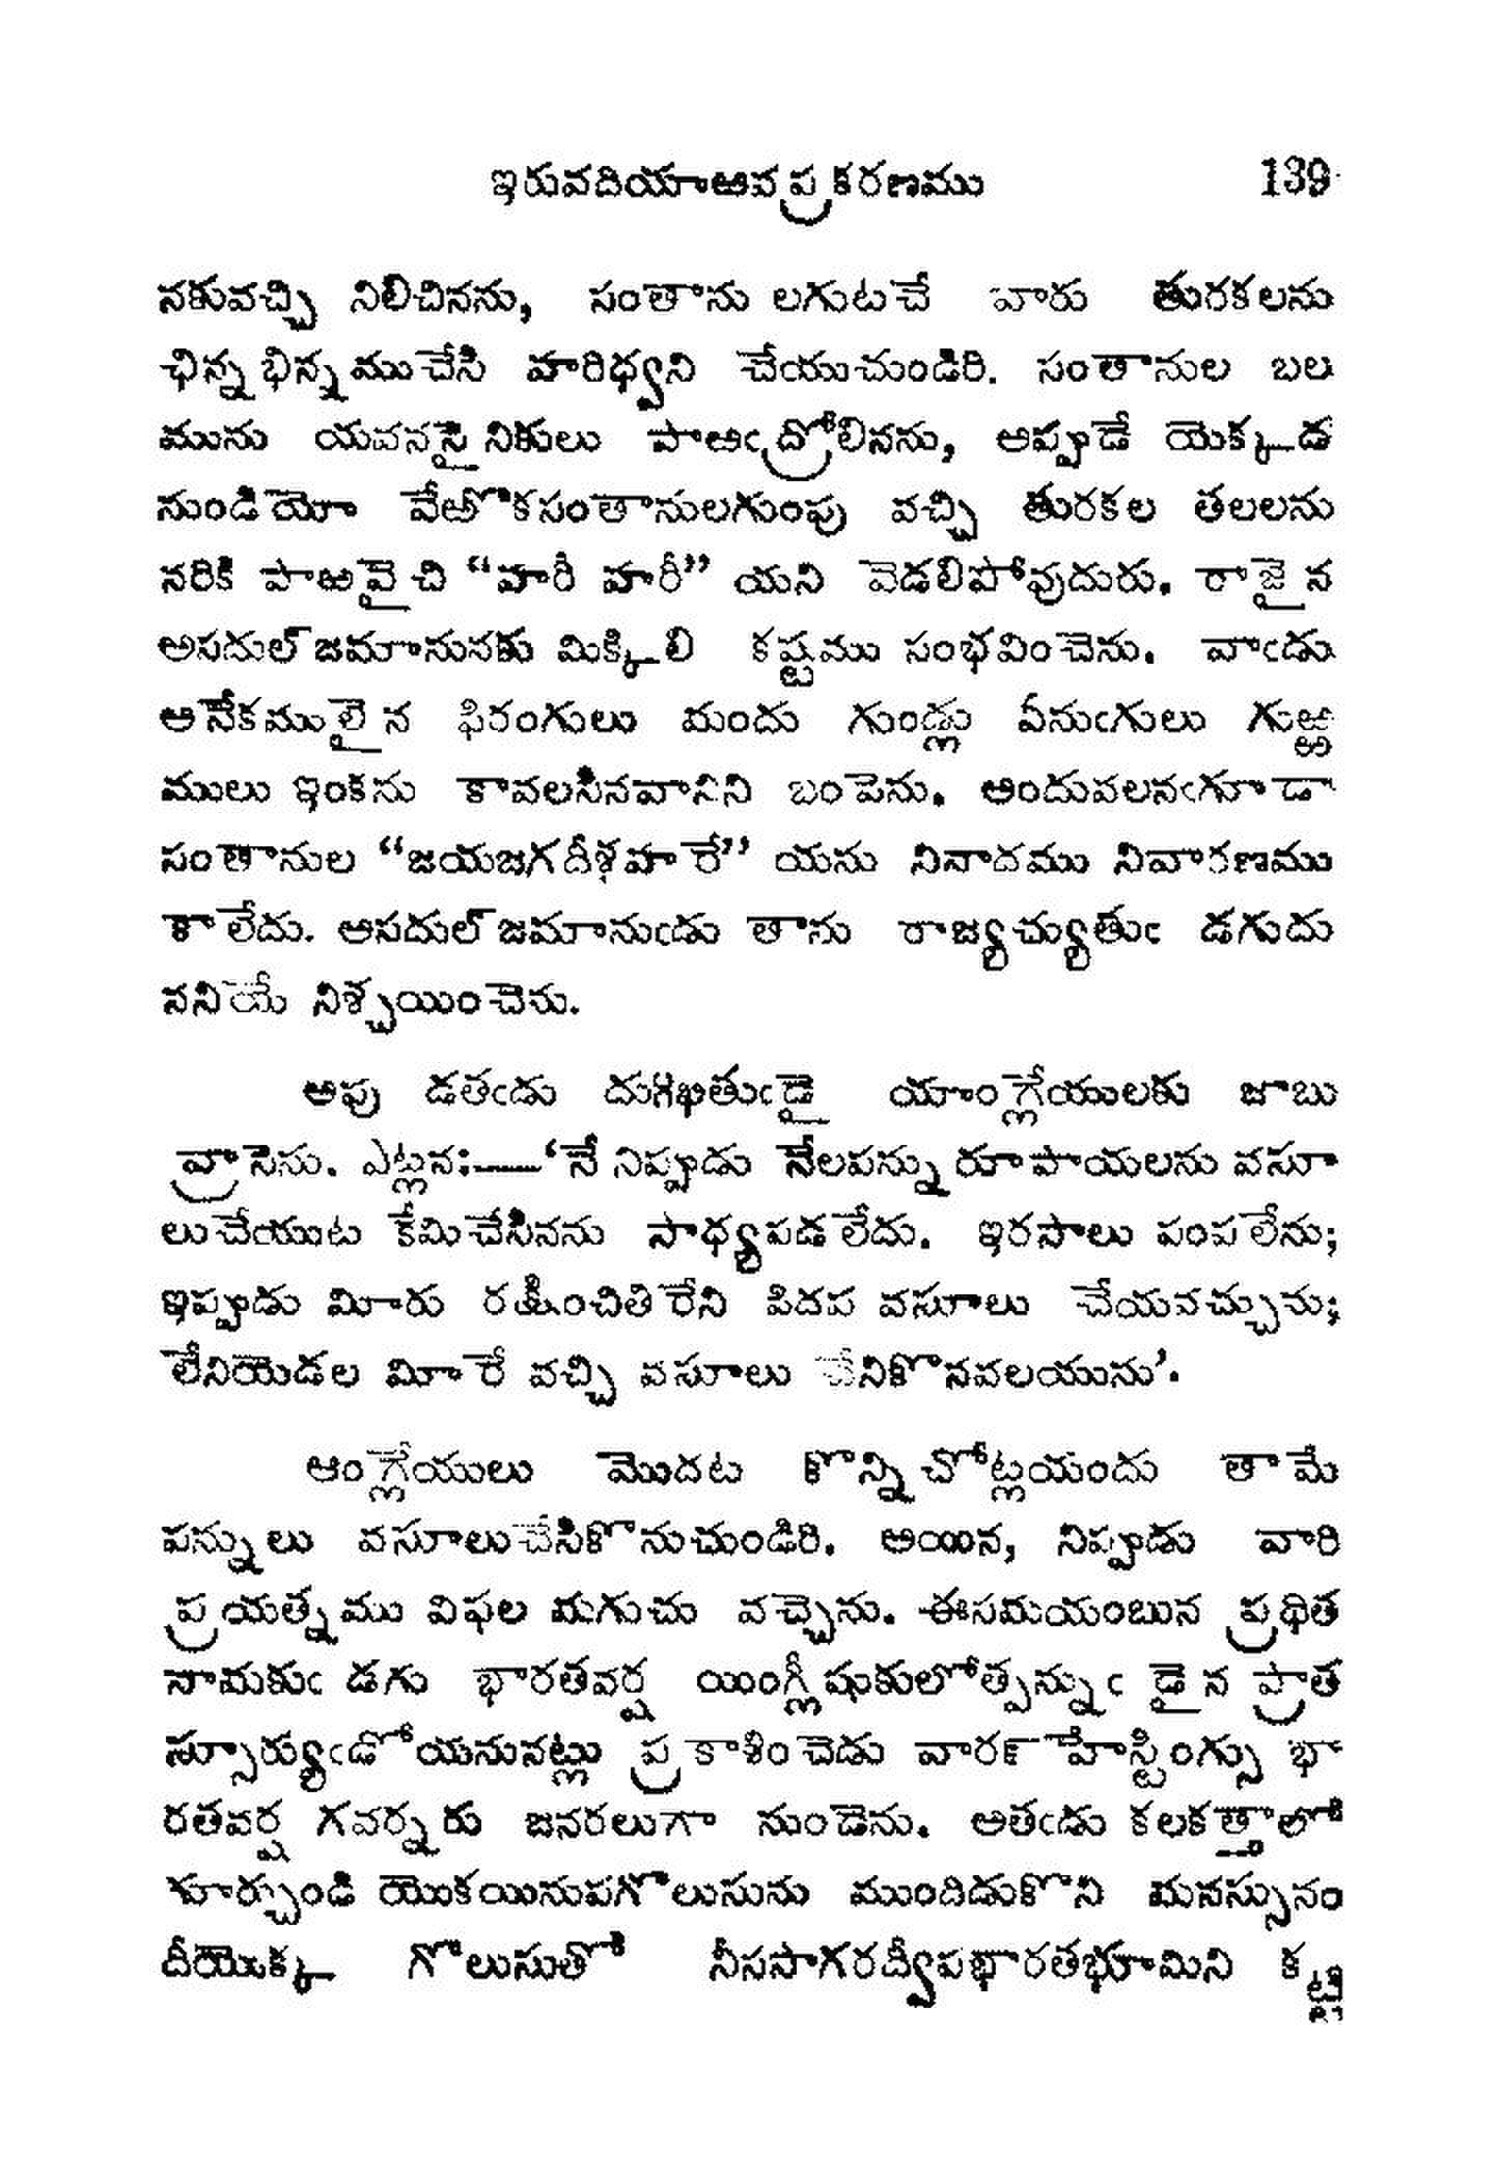నకువచ్చి నిలిచినను, సంతాను లగుటచే వారు తురకలను ఛిన్న భిన్నము చేసి హరిధ్వని చేయుచుండిరి. సంతానుల బలమును యవనసై నికులు పాఱఁ ద్రోలినను, అప్పుడే యెక్కడ నుండియో వేఱోకసంతానులగుంపు వచ్చి తురకల తలలను నరికి పాఱవైచి “హరి హరీ” యని వెడలిపోవుదురు. రాజైన అసదుల్ జమానునకు మిక్కిలి కష్టము సంభవించెను. వాఁడు అనేకములైన ఫిరంగులు మందు గుండ్లు ఏనుఁగులు గుఱ్ఱములు ఇంకను కావలసినవానిని బంపెను. అందువలనఁగూడా సంతానుల “జయజగదీశ హరే" యను నినాదము నివారణము కాలేదు. అసదుల్ జమానుఁడు తాను రాజ్యచ్యుతుఁ డగుదు
ననియే నిశ్చయించెను.

అపు డతఁడు దుఃఖితుఁడై యాంగ్లేయులకు జాబు వ్రాసెను., ఎట్లన:—— నే నిప్పుడు నేలపన్ను రూపాయలను వసూలు చేయుట కేమి చేసినను సాధ్యపడలేదు. ఇరసాలు పంపలేను; ఇప్పుడు మీరు రక్షించితి రేని పిదప వసూలు చేయవచ్చును;
లేనియెడల మీరే వచ్చి వసూలు చేసికొనవలయును'.

ఆంగ్లేయులు మొదట కొన్ని చోట్లయందు తామే పన్నులు వసూలు చేసికొనుచుండిరి. అయిన, నిప్పుడు వారి ప్రయత్నము విఫల మగుచు వచ్చెను. ఈ సమయంబున ప్రధిత నామకుఁ డగు భారతవర్ష యింగ్లీషుకులోత్పన్నుఁ డైన ప్రాత
స్సూర్యుఁడోయనునట్లు ప్రకాశిం చెడు వార౯ హేస్టింగ్సు భారతవర్ష గవర్నరు జనరలుగా నుండెను. అతఁడు కలకత్తాలో
కూర్చుండి యొక యినుపగొలుసును ముందిడుకొని మనస్సునందీయొక్క గొలుసుతో నీససాగరద్వీపభారతభూమిని కట్టి